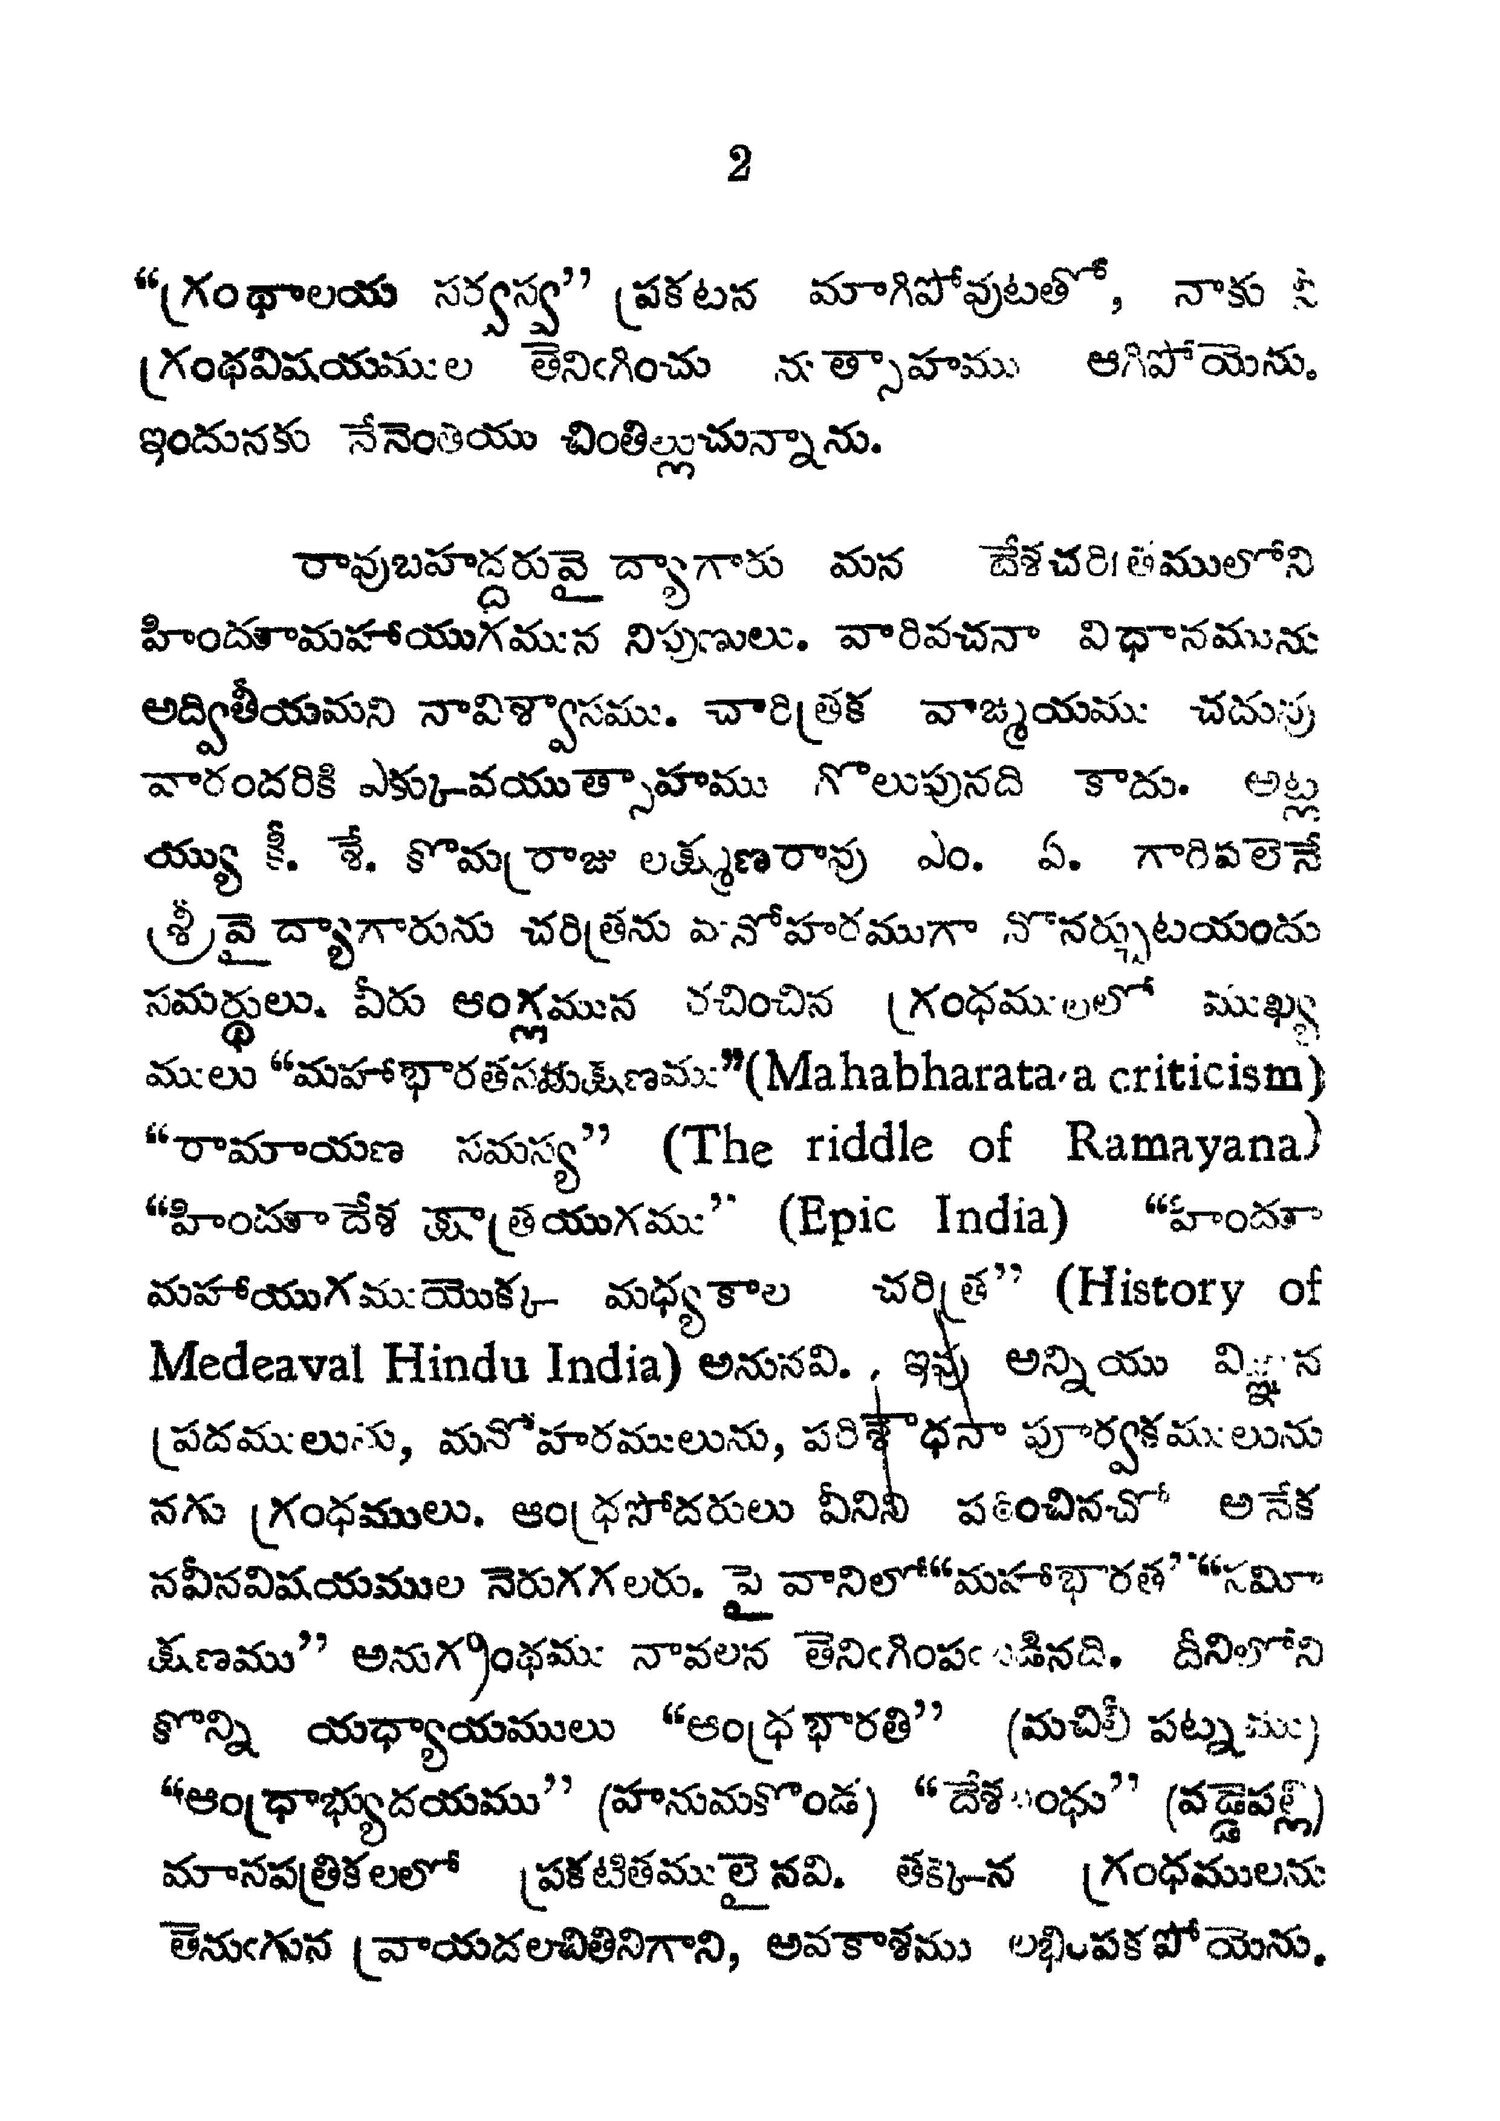గ్రంథాలయ సర్వస్వ ప్రకటన మాగిపోవుటతో, నాకు నీ గ్రంథవిషయముల తెనిగించు నుత్సాహము ఆగిపోయెను. ఇందునకు నేనెంతయు చింతిల్లుచున్నాను.

రావుబహద్దరు వైద్యాగారు మన దేశచరిత్రములోని హిందుమహాయుగమున నిపుణులు. వారి వచనా విధానమును అద్వితీయమని నావిశ్వాసము. చారిత్రక వాజ్మయము చదువు వారందరికీ ఎక్కువయుత్సాహము గొలుపునది కాదు. అట్లయ్యు కీ. శే. కొమర్రాజు లక్ష్మణరావు ఎం. ఏ. గారివలెనే శ్రీవైద్యాగారును చరిత్రను మనోహరముగా నొనర్చుటయందు సమర్థులు. వీరు ఆంగ్లమున రచించిన గ్రంథములలో ముఖ్యములు "మహాభారత సమక్షణము" (Mahabharata a criticism) "రామాయణ సమస్య" (The riddle of Ramayana) "హిందూదేశ క్షాత్రయుగము" (Epic India) "హిందూమహాయుగము యొక్క మధ్యకాల చరిత్ర" (History of Medeaval Hindu India) అనునవి. ఇవు అన్నియు విజ్ఞానప్రదములును, మనోహరములును, పరిశౌధనా పూర్వకములును నగు గ్రంథములు. ఆంధ్రసోదరులు వీనిని పఠించినచో అనేక నవీనవిషయముల నెరుగగలరు. పైవానిలో "మహాభారత సమీక్షణము" అనుగ్రంథము నావలన తెనిగింపబడినది. దీనిలోని కొన్ని యధ్యాయములు "ఆంధ్రభారతి" (మచిలీపట్నము) ఆంధ్రాభ్యుదయము (హనుమకొండ) దేశబంధు (వడ్డెపల్లి) మాసపత్రికలలో ప్రకటితములైనవి. తక్కిన గ్రంథములను తెనుగు వ్రాయదలచితినిగాని, అవకాశము లభింపకపోయెను.